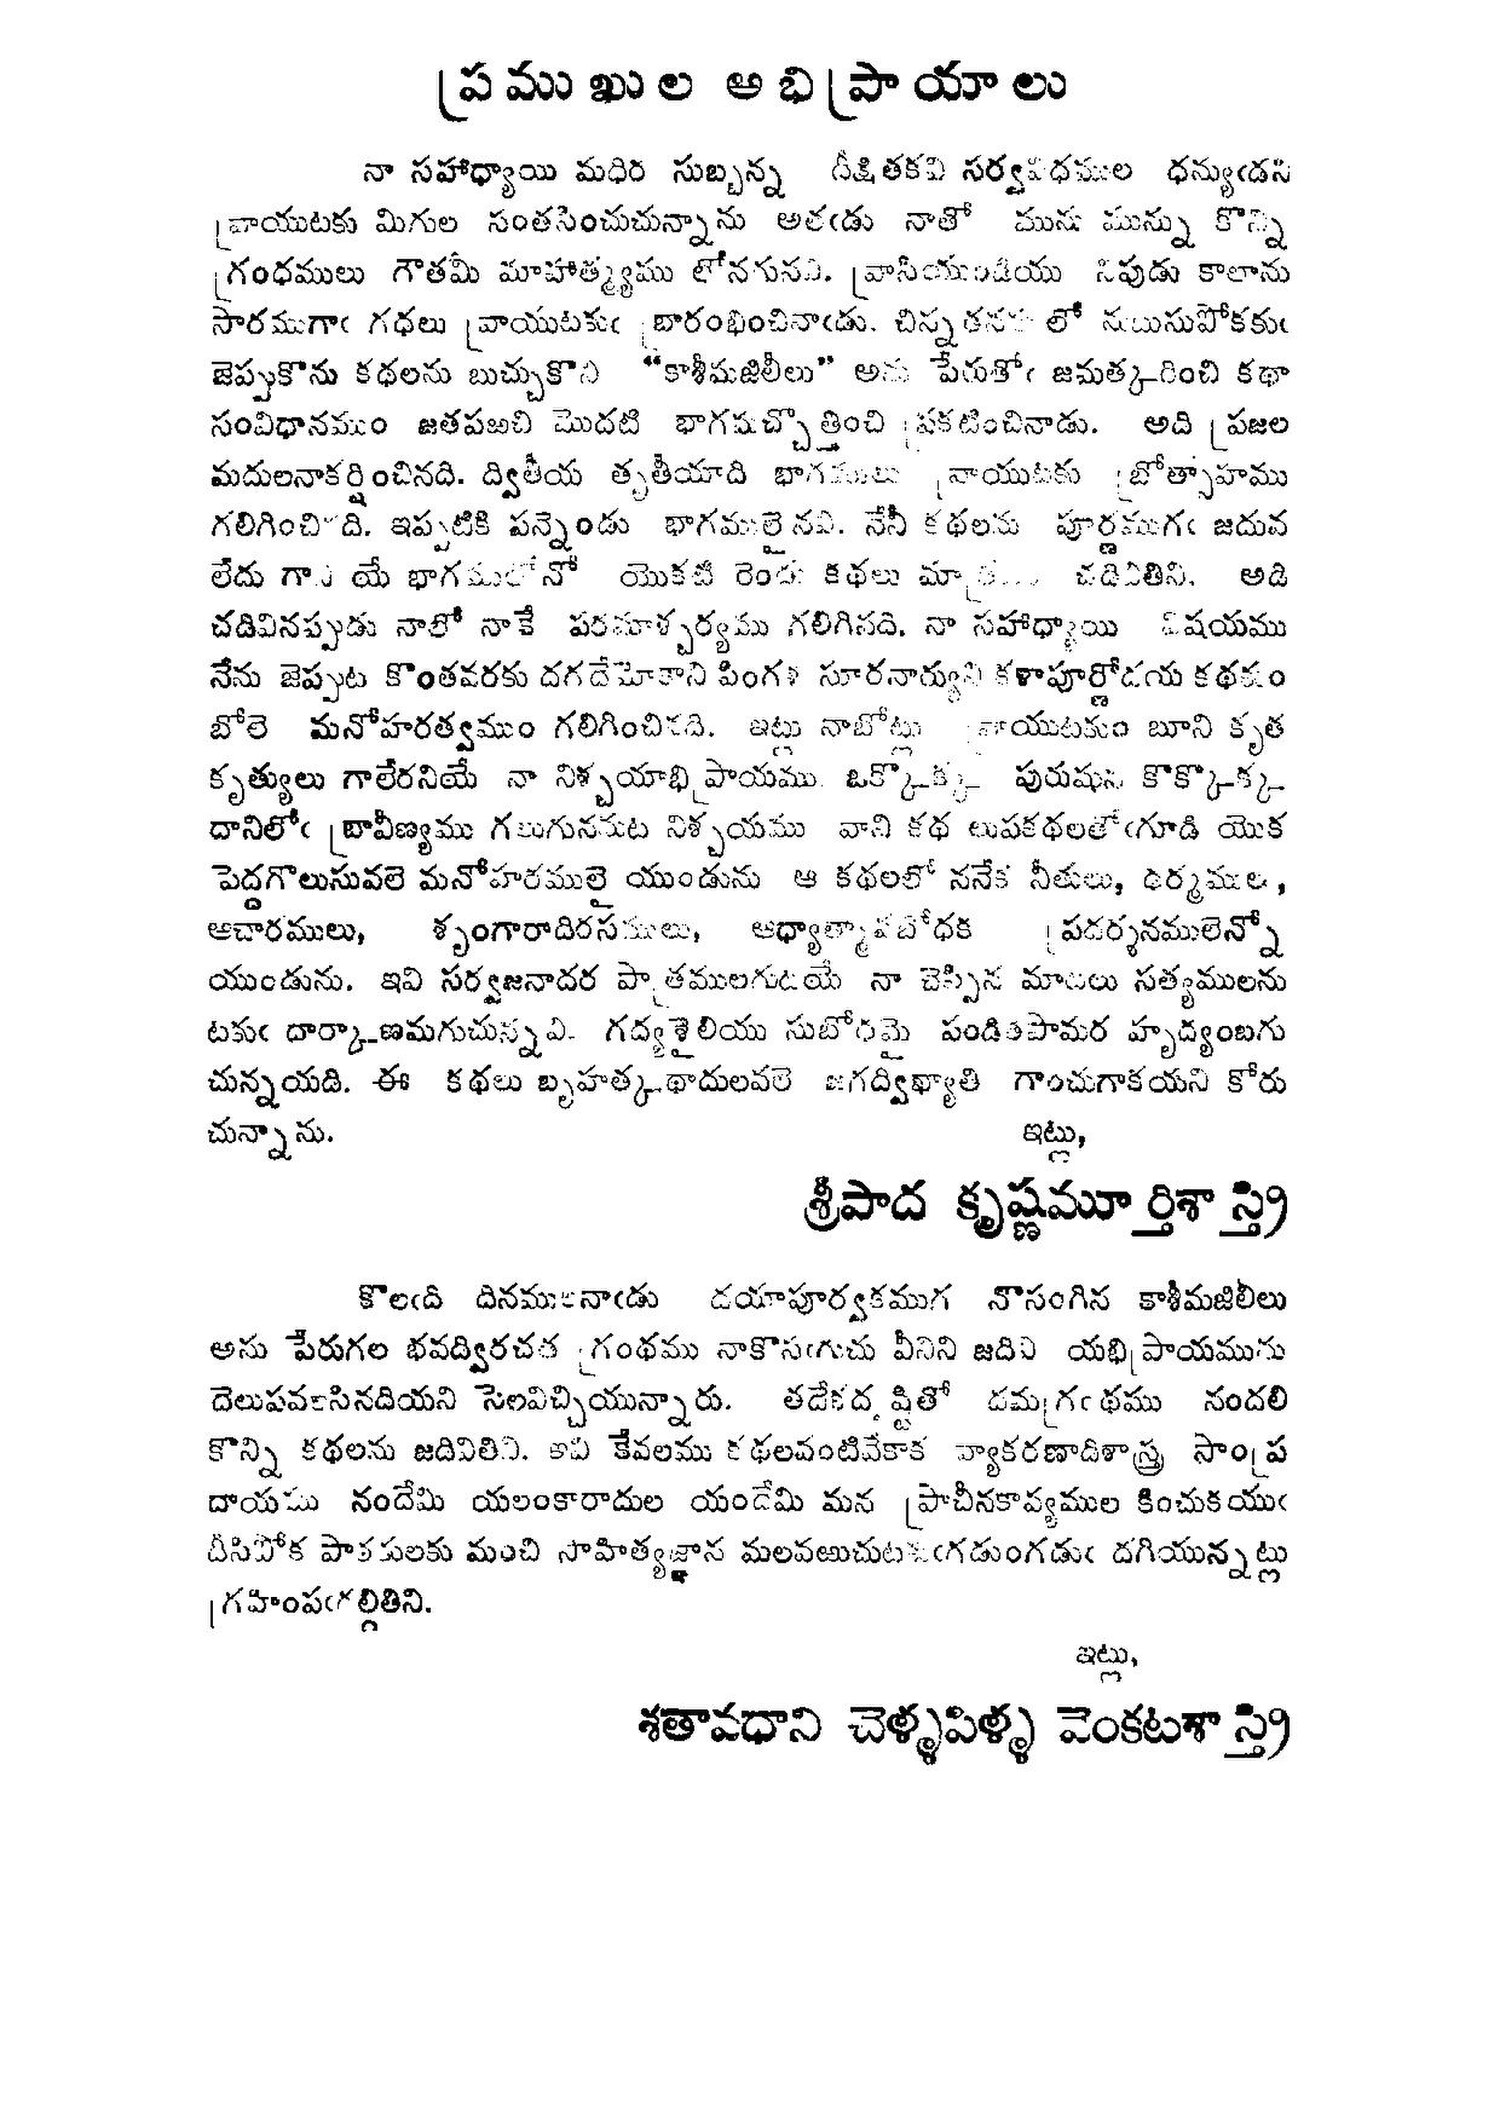ప్రముఖుల అభిప్రాయాలు

నా సహాధ్యాయి మధిర సుబ్బన్న దీక్షితకవి సర్వవిధముల ధన్యుఁడని వ్రాయుటకు మిగుల సంతసించుచున్నాను అతఁడు నాతో మును మున్ను కొన్ని గ్రంథములు గౌతమీ మాహాత్మ్యము లోనగునవి, వ్రాసియుండియు నిపుడు కాలానుసారముగాఁ గథలు వ్రాయుటకుఁ బ్రారంభించినాఁడు. చిన్నతనములో నుబుసుపోకకుఁ జెప్పుకొను కథలను బుచ్చుకొని “కాశీమజిలీలు” అను పేరుతోఁ జమత్కరించి కథాసంవిధానముం జతపఱచి మొదటి భాగమచ్చొతించి ప్రకటించినాడు. అది ప్రజల మదుల నాకర్షించినది. ద్వితీయ, తృతీయాది భాగములు వ్రాయుటకు బ్రోత్సాహము గలిగించినది. ఇప్పటికి పన్నెండు భాగములైనవి. నేనీ కథలను పూర్ణముగఁ జదువ లేదు గాని యే భాగములోనో యొకటి రెండు కథలు మాత్రము చదివితిని. అది చదివినప్పుడు నాలో నాకే పరమాశ్చర్యము గలిగినది. నా సహాధ్యాయి విషయము నేను జెప్పుట కొంతవరకు దగదేమోకాని పింగళ సూరనార్యుని కళాపూర్ణోదయ కథకుం బోలె మనోహరత్వముం గలిగించినది. ఇట్లు నాబోట్లు వ్రాయుటకుం బూని కృతకృత్యులు గాలేరనియే నా నిశ్చయాభిప్రాయము. ఒక్కొక్క పురుషుని కొక్కొక్క దానిలోఁ బ్రావీణ్యము గలుగుననుట నిశ్చయము వాని కథ లుపకథలతోఁగూడి యొక పెద్దగొలుసువలె మనోహరములై యుండును. ఆ కథలలో ననేక నీతులు, ధర్మములు, ఆచారములు, శృంగారాదిరసములు, ఆధ్యాత్మాప్రబోధక ప్రదర్శనములెన్నో యుండును. ఇవి సర్వజనాదర పాత్రములగుటయే నా చెప్పిన మాటలు సత్యములనుటకుఁ దార్కాణమగుచున్నవి. గద్యశైలియు సుబోధమై పండితపామర హృద్యంబగుచున్నయది. ఈ కథలు బృహత్కథాదులవలె జగద్విఖ్యాతి గాంచుగాకయని కోరుచున్నాను.

కొలఁది దినములనాఁడు దయాపూర్వకముగ నొసంగిన కాశీమజిలీలు అను పేరుగల భవద్విరచత గ్రంథము నాకొసఁగుచు వీనిని జదివి యభిప్రాయమును దెలుపవలసినదియని సెలవిచ్చియున్నారు. తదేకదష్టితో దమగ్రంథము నందలి కొన్ని కథలను జదివితిని. అది కేవలము కథలవంటివేకాక వ్యాకరణాదిశాస్త్ర సాంప్రదాయము నందేమి యలంకారాదుల యందేమి మన ప్రాచీనకావ్యముల కించుకయుఁ దీసిపోక పాఠకులకు మంచి సాహిత్యజ్ఞాన మలవఱుచుటకుఁగడుంగడుఁ దగియున్నట్లు గ్రహింపఁగల్గితిని.